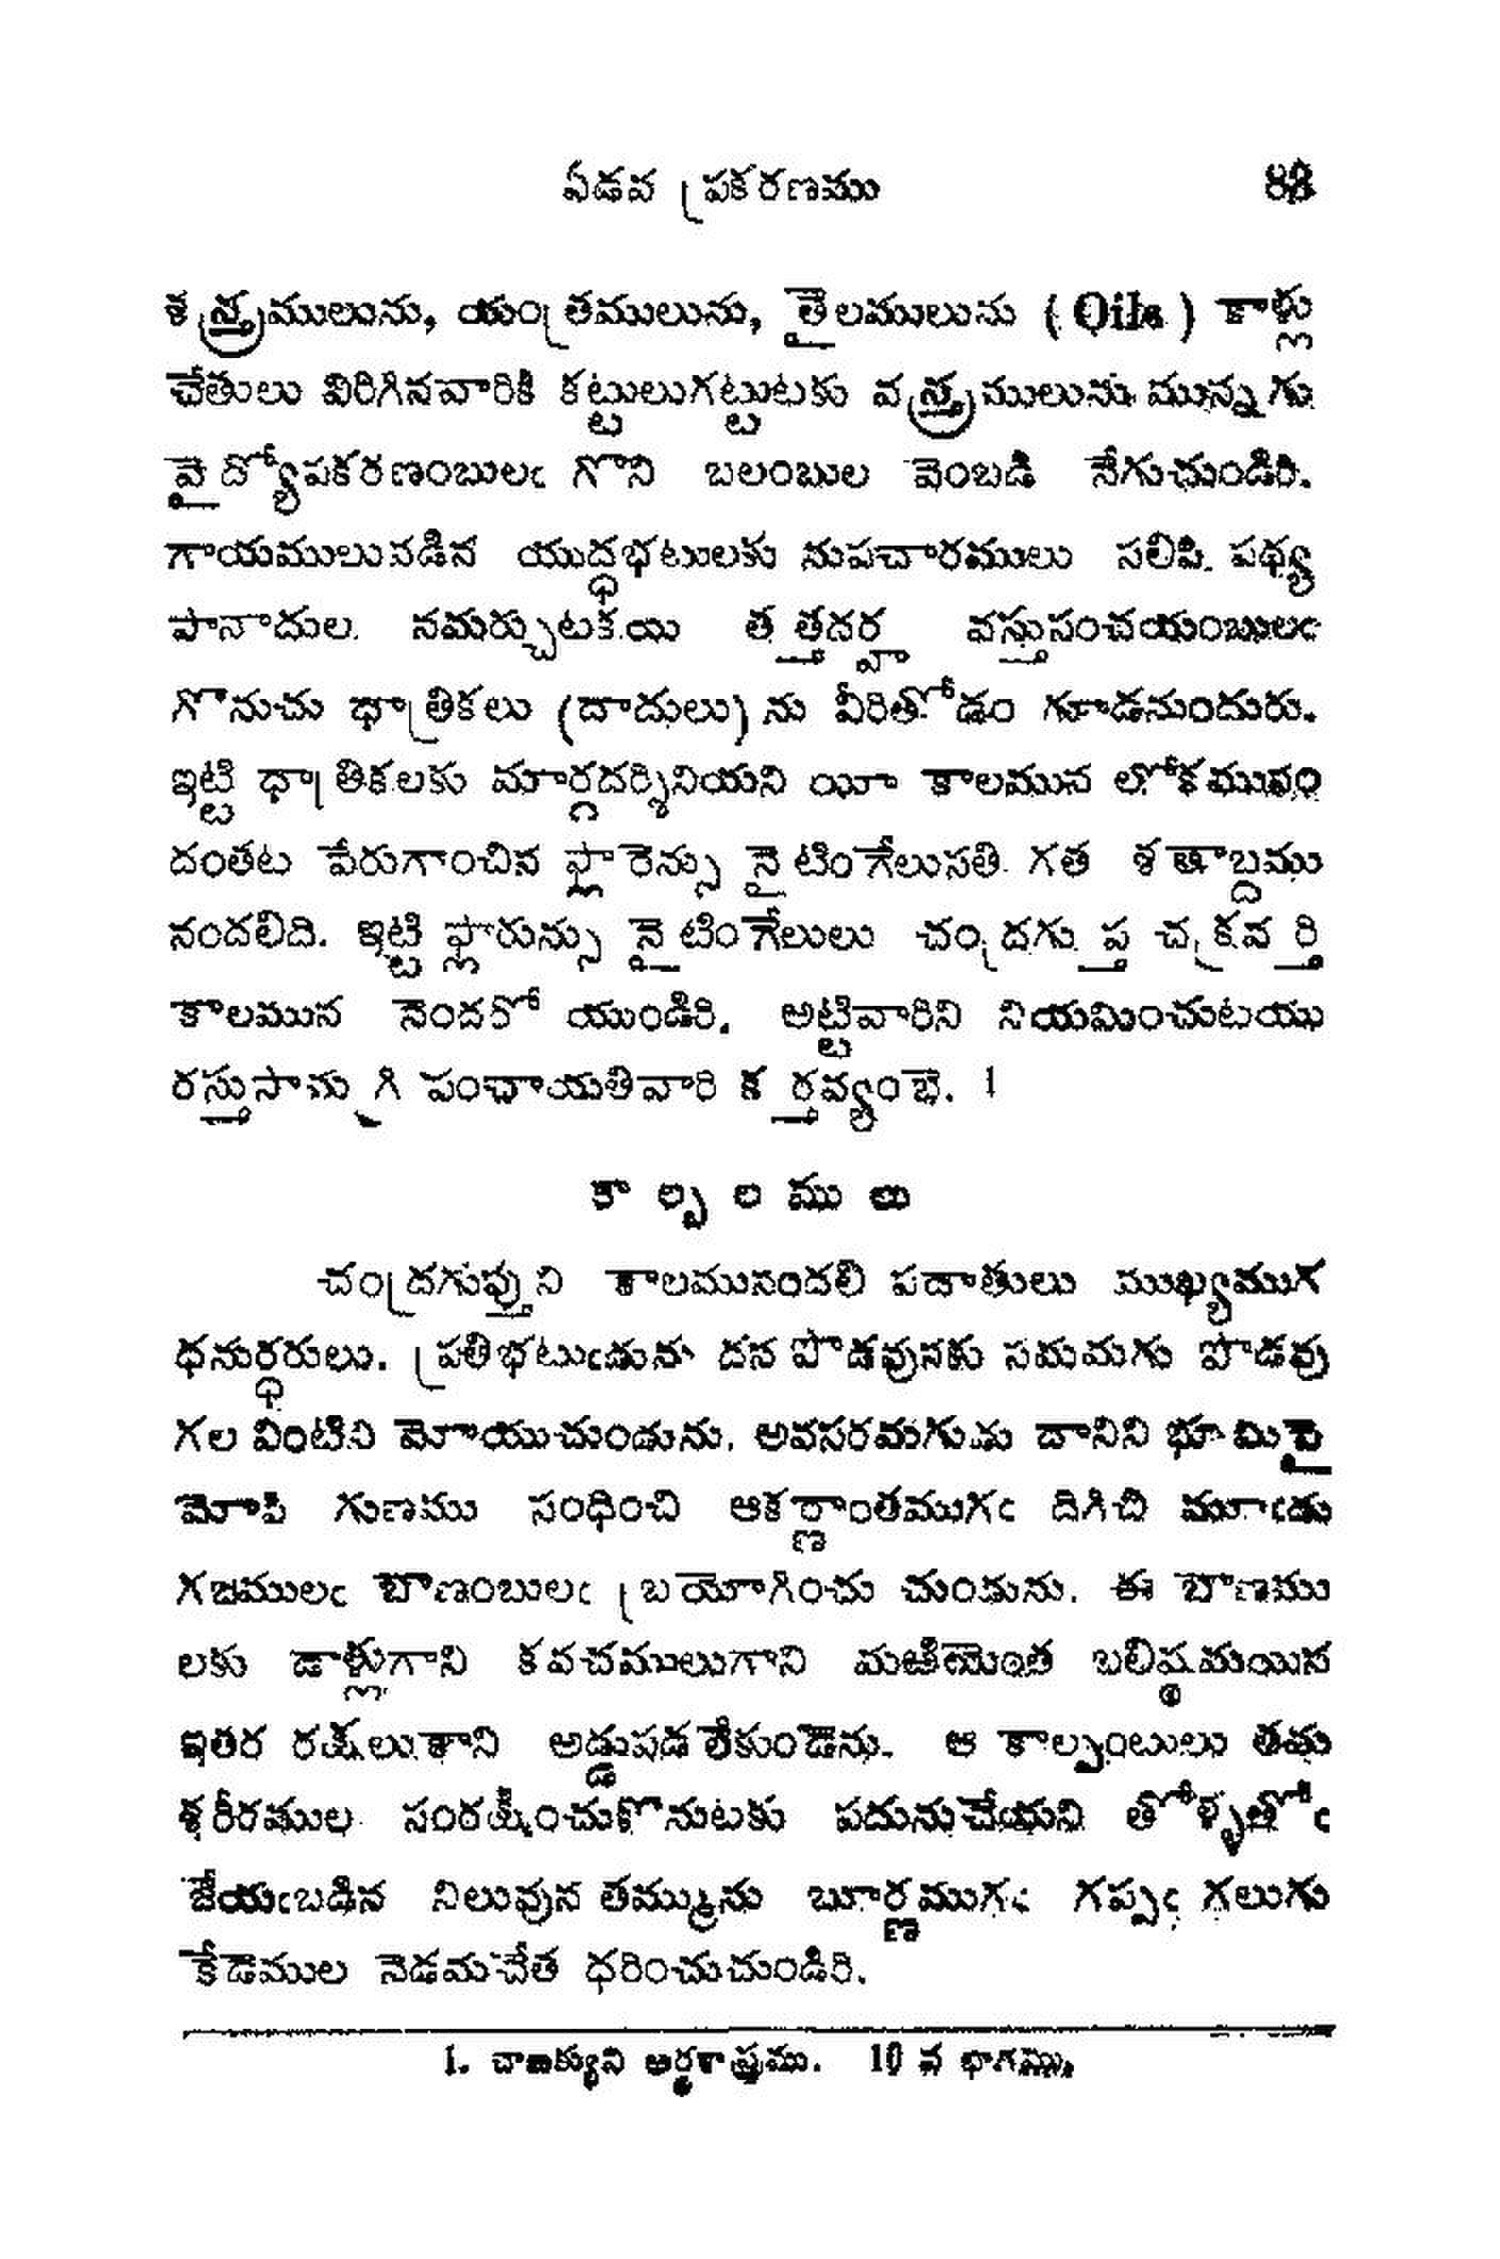శస్త్రములును, యంత్రములును, తైలములును ( Oils ) కాళ్లు చేతులు విరిగినవారికి కట్టులుగట్టుటకు వస్త్రములును మున్నగు వైద్యోపకరణంబులఁ గొని బలంబుల వెంబడి నేగుచుండిరి. గాయములువడిన యుద్ధభటులకు నుపచారములు సలిపి, పధ్య పానాదుల. నమర్చుటకయి తత్తదర్హ వస్తుసంచయంబులఁ గొనుచు ధాత్రికలు (దాదులు) ను వీరితోడం గూడనుందురు. ఇట్టి ధాత్రికలకు మార్గదర్శినియని యీ కాలమున లోకమునందంతట పేరుగాంచిన ఫ్లారెన్సు నైటింగేలుసతి. గత శతాబ్దము నందలిది. ఇట్టి ఫ్లారున్సు నైటింగేలులు చంద్రగుప్త చక్రవర్తి కాలమున నెందరో యుండిరి. అట్టివారిని నియమించుటయు రస్తుసామగ్రి పంచాయతివారి కర్తవ్యంబె. 1

కాల్బలములు 

చంద్రగుప్తుని కాలమునందలి పదాతులు ముఖ్యముగ ధనుర్దరులు. ప్రతిభటుఁడును దన పొడవునకు సమమగు పొడవు గలవింటిని మోయుచుండును. అవసరమగుడు దానిని భూమిపై మోపి గుణము సంధించి ఆకర్ణాంతముగఁ దిగిచి మూఁడు గజములఁ బాణంబులఁ బ్రయోగించు చుండును. ఈ బాణములకు డాళ్లుగాని కవచములుగాని మఱియెంత బలిష్ఠమయిన ఇతర రక్షలుకాని అడ్డుపడలేకుండెను. ఆ కాల్పంబులు తమ శరీరముల సంరక్షించుకొనుటకు పదునుచేయని తోళ్ళతోఁ జేయఁబడిన నిలువునతమ్మును బూర్ణముగ గప్పఁ గలుగు కేడెముల నెడమచేత ధరించుచుండిరి.